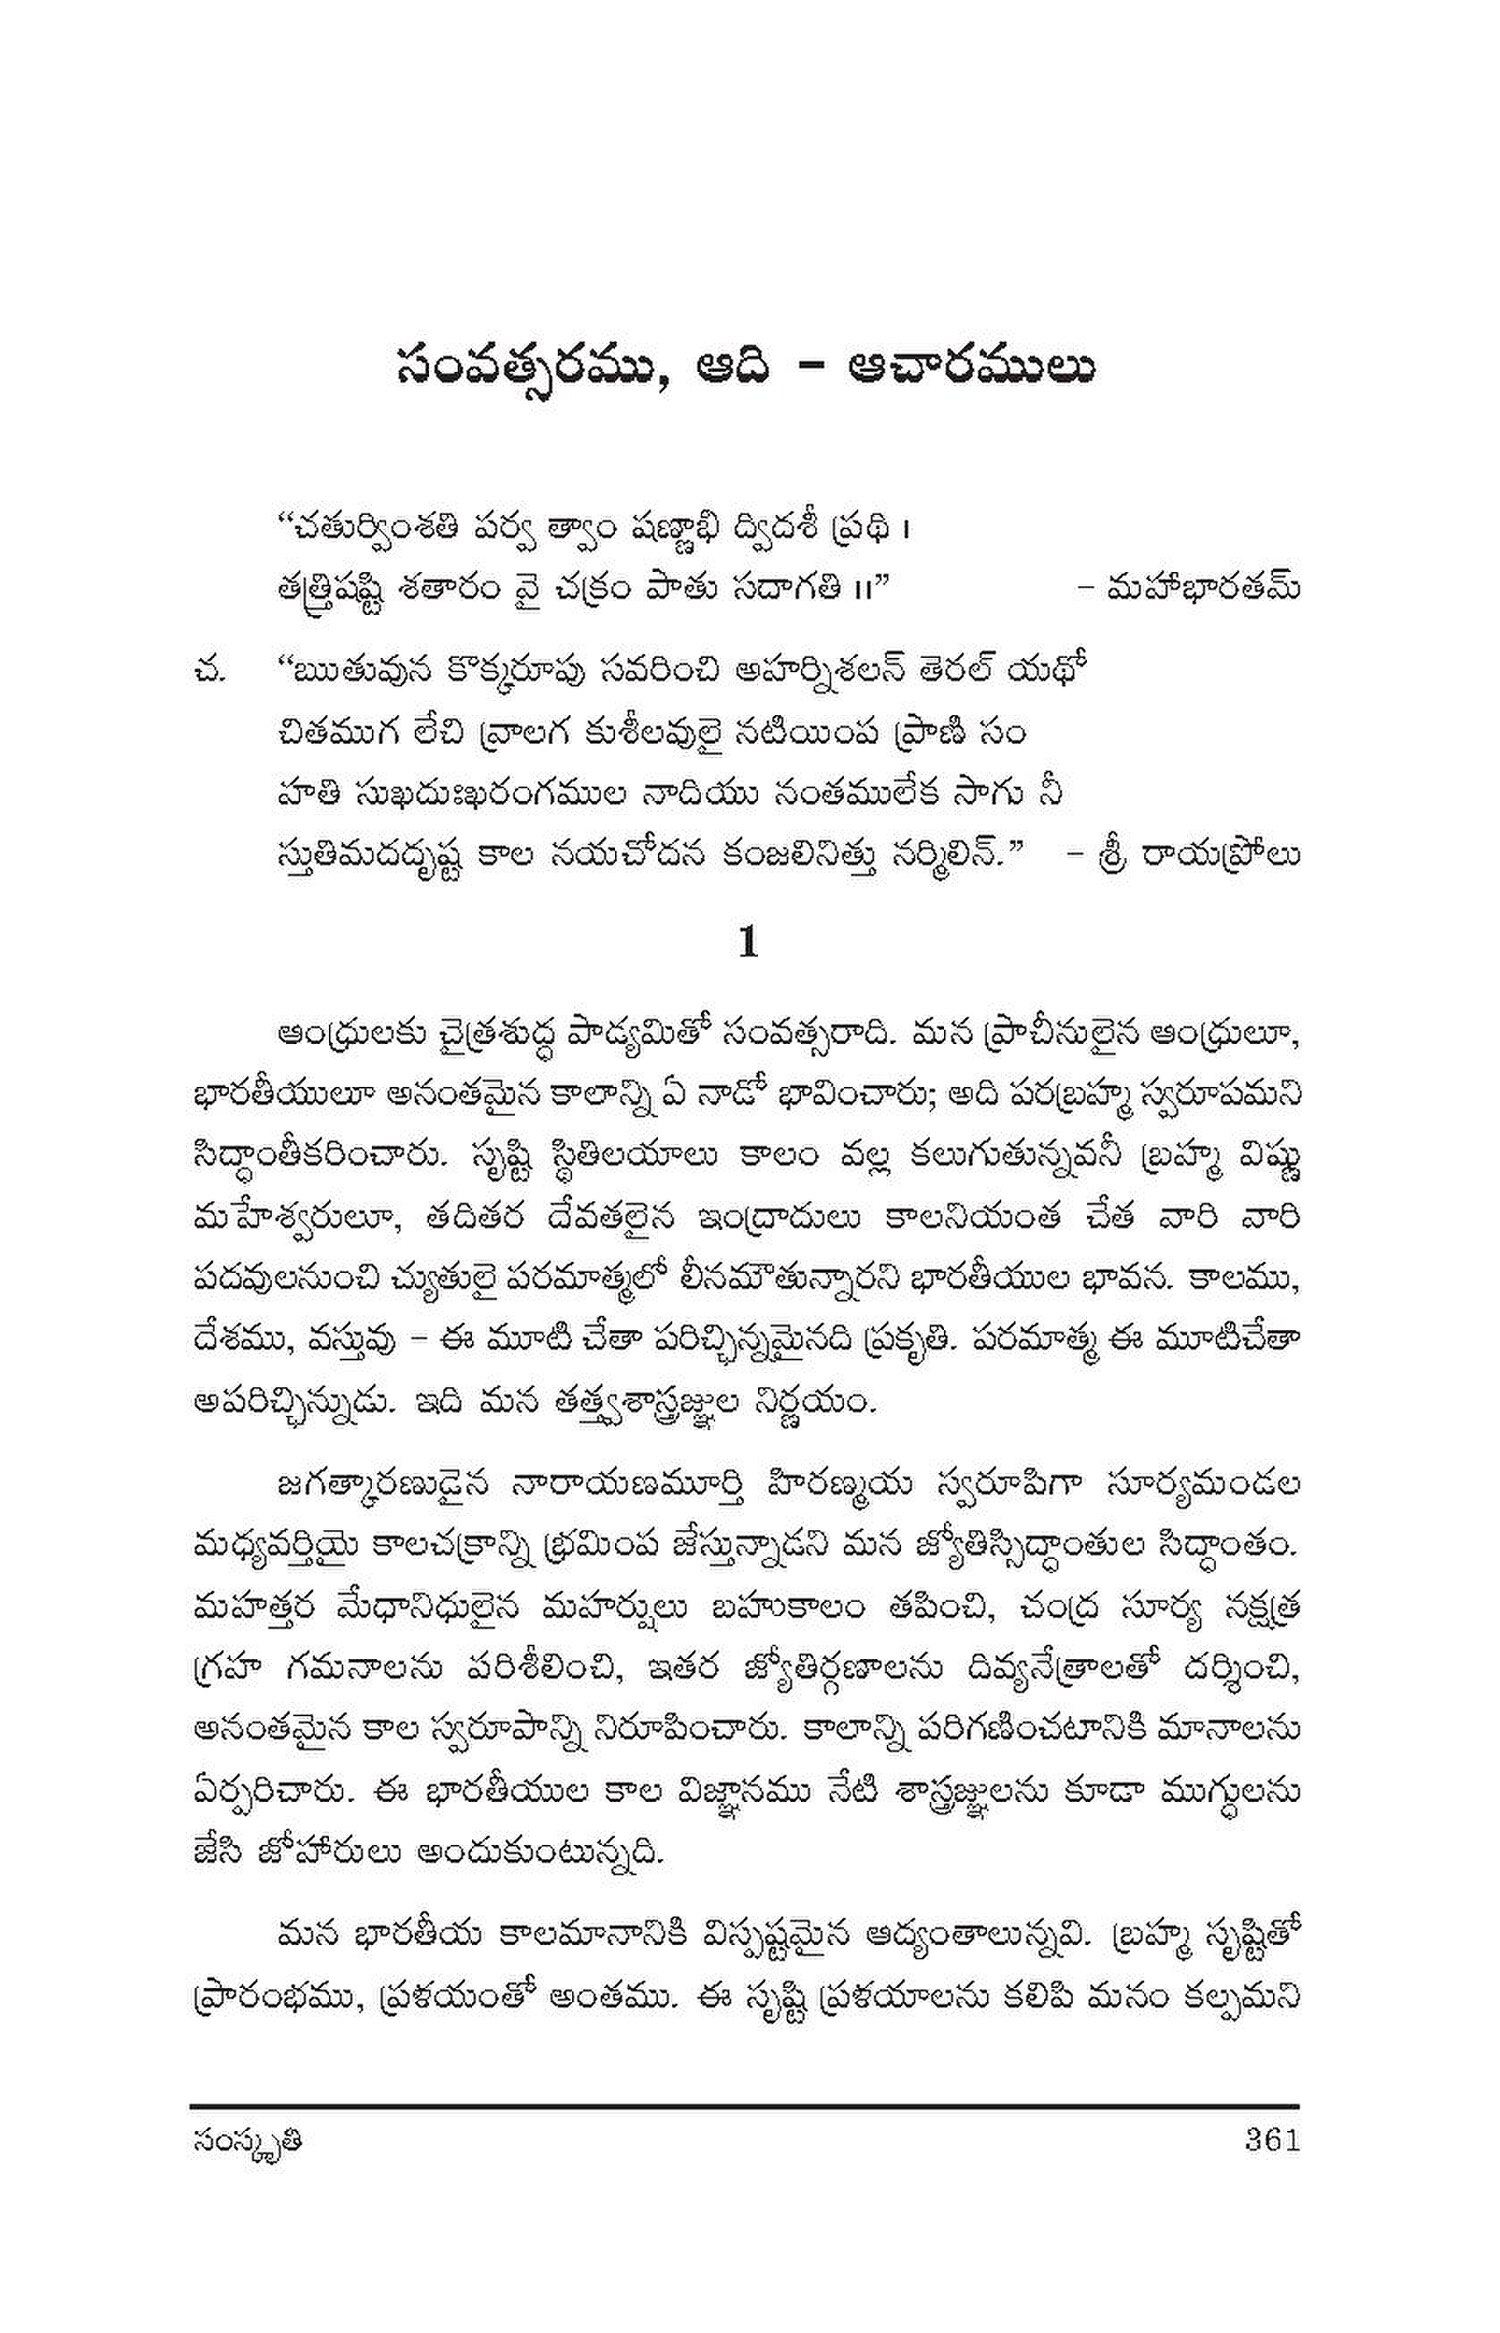"చతుర్వింశతి పర్వ త్వాం షణాభి ద్విదశీ ప్రథి |
తత్రిషష్టి శతారం వై చక్రం పాతు సదాగతి ॥ ″ - మహాభారతమ్
 

చ. "ఋతువున కొక్కరూపు సవరించి అహర్నిశలన్ తెరల్ యథో
చితముగ లేచి వ్రాలగ కుశీలవులై నటియింప ప్రాణి సం 
హతి సుఖదుఃఖరంగముల నాదియు నంతములేక సాగు నీ 
స్తుతిమదదృష్ట కాల నయచోదన కంజలినిత్తు నర్మిలిన్." - శ్రీ రాయప్రోలు 

ఆంధ్రులకు చైత్రశుద్ధ పాడ్యమితో సంవత్సరాది. మన ప్రాచీనులైన ఆంధ్రులూ,
భారతీయులూ అనంతమైన కాలాన్ని ఏ నాడో భావించారు; అది పరబ్రహ్మ స్వరూపమని
సిద్ధాంతీకరించారు. సృష్టి స్థితిలయాలు కాలం వల్ల కలుగుతున్నవనీ బ్రహ్మ విష్ణు
మహేశ్వరులూ, తదితర దేవతలైన ఇంద్రాదులు కాలనియంత చేత వారి వారి
పదవులనుంచి చ్యుతులై పరమాత్మలో లీనమౌతున్నారని భారతీయుల భావన. కాలము,
దేశము, వస్తువు - ఈ మూటి చేతా పరిచ్ఛిన్నమైనది ప్రకృతి. పరమాత్మ ఈ మూటిచేతా
అపరిచ్ఛిన్నుడు. ఇది మన తత్త్వశాస్త్రజ్ఞుల నిర్ణయం.

జగత్కారణుడైన నారాయణమూర్తి హిరణ్మయ స్వరూపిగా సూర్యమండల
మధ్యవర్తియై కాలచక్రాన్ని భ్రమింప జేస్తున్నాడని మన జ్యోతిస్సిద్ధాంతుల సిద్ధాంతం.
మహత్తర మేధానిధులైన మహర్షులు బహుకాలం తపించి, చంద్ర సూర్య నక్షత్ర
గ్రహ గమనాలను పరిశీలించి, ఇతర జ్యోతిర్గణాలను దివ్యనేత్రాలతో దర్శించి,
అనంతమైన కాల స్వరూపాన్ని నిరూపించారు. కాలాన్ని పరిగణించటానికి మానాలను
ఏర్పరిచారు. ఈ భారతీయుల కాల విజ్ఞానము నేటి శాస్త్రజ్ఞులను కూడా ముగ్ధులను
జేసి జోహారులు అందుకుంటున్నది.

మన భారతీయ కాలమానానికి విస్పష్టమైన ఆద్యంతాలున్నవి. బ్రహ్మ సృష్టితో
ప్రారంభము, ప్రళయంతో అంతము. ఈ సృష్టి ప్రళయాలను కలిపి మనం కల్పమని